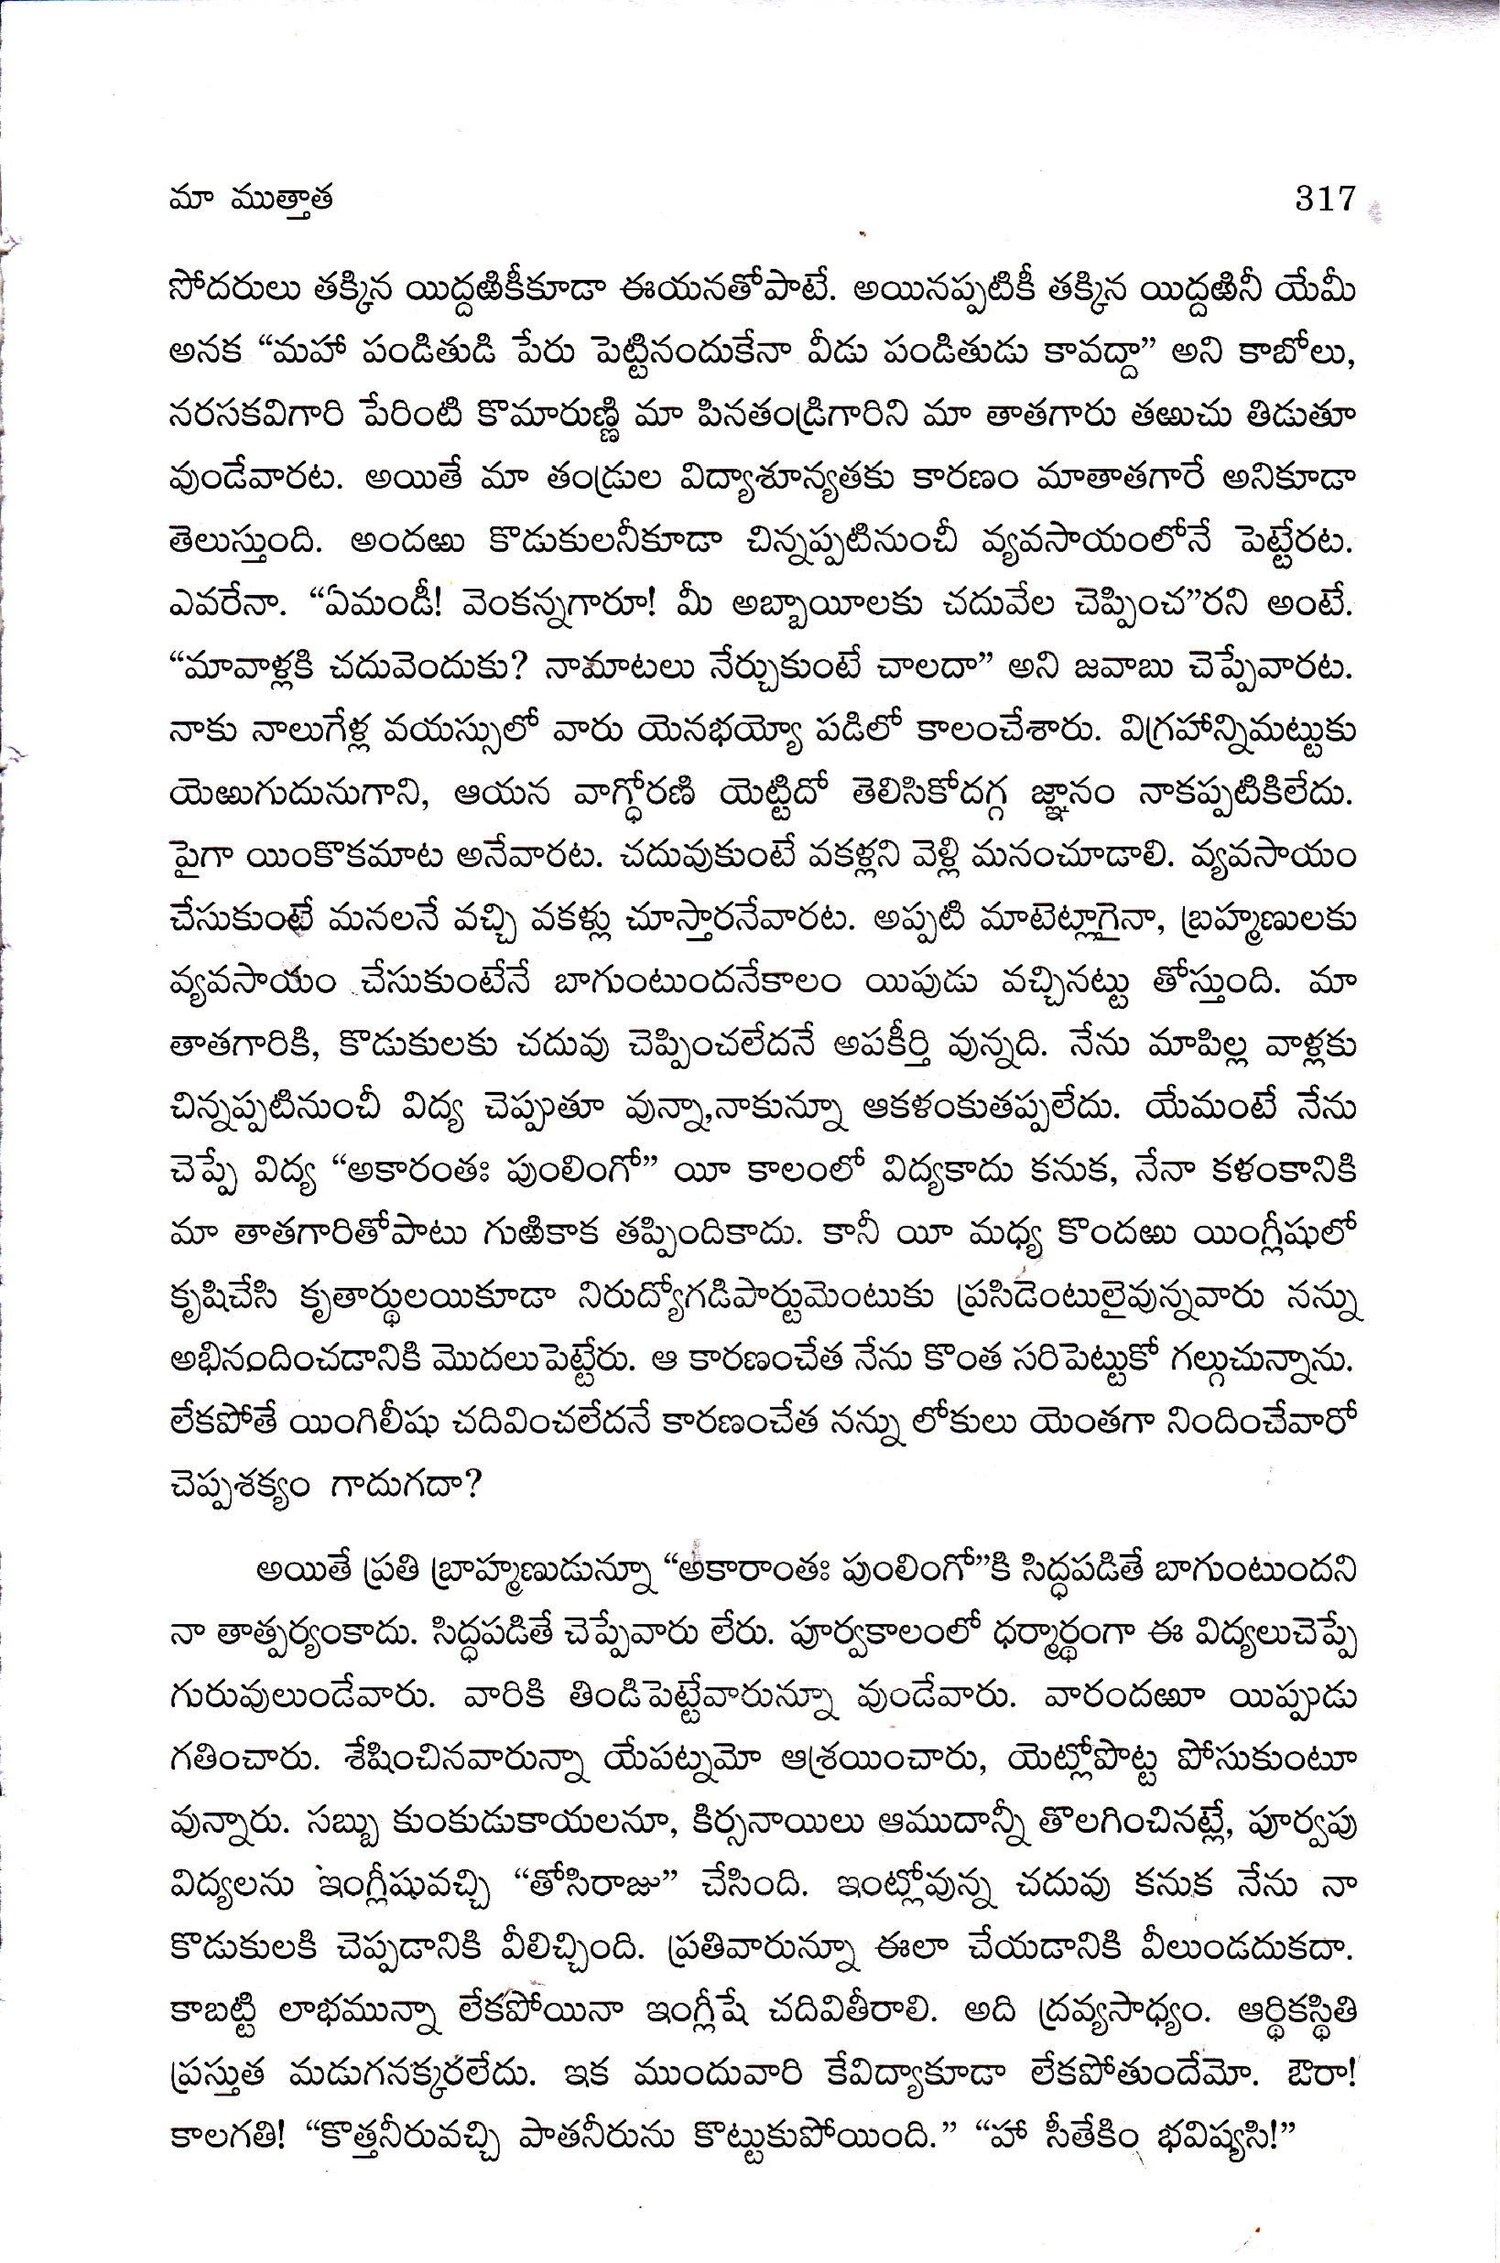సోదరులు తక్కిన యిద్దఱికీకూడా ఈయనతోపాటే. అయినప్పటికీ తక్కిన యిద్దఱినీ యేమీ అనక “మహా పండితుడి పేరు పెట్టినందుకేనా వీడు పండితుడు కావద్దా" అని కాబోలు, నరసకవిగారి పేరింటి కొమారుణ్ణి మా పినతండ్రిగారిని మా తాతగారు తఱుచు తిడుతూ వుండేవారట. అయితే మా తండ్రుల విద్యాశూన్యతకు కారణం మాతాతగారే అనికూడా తెలుస్తుంది. అందఱు కొడుకులనీకూడా చిన్నప్పటినుంచీ వ్యవసాయంలోనే పెట్టేరట. ఎవరేనా. "ఏమండీ! వెంకన్నగారూ! మీ అబ్బాయిలకు చదువేల చెప్పించ"రని అంటే. “మావాళ్లకి చదువెందుకు? నామాటలు నేర్చుకుంటే చాలదా” అని జవాబు చెప్పేవారట. నాకు నాలుగేళ్ల వయస్సులో వారు యెనభయ్యో పడిలో కాలంచేశారు. విగ్రహాన్నిమట్టుకు యెఱుగుదునుగాని, ఆయన వాగ్ధోరణి యెట్టిదో తెలిసికోదగ్గ జ్ఞానం నాకప్పటికిలేదు. పైగా యింకొకమాట అనేవారట. చదువుకుంటే వకళ్లని వెళ్లి మనంచూడాలి. వ్యవసాయం చేసుకుంటే మనలనే వచ్చి వకళ్లు చూస్తారనేవారట. అప్పటి మాటెట్లాగైనా, బ్రాహ్మణులకు వ్యవసాయం చేసుకుంటేనే బాగుంటుందనేకాలం యిపుడు వచ్చినట్టు తోస్తుంది. మా తాతగారికి, కొడుకులకు చదువు చెప్పించలేదనే అపకీర్తి వున్నది. నేను మాపిల్ల వాళ్లకు చిన్నప్పటినుంచీ విద్య చెప్పతూ వున్నానాకున్నూ ఆకళంకుతప్పలేదు. యేమంటే నేను చెప్పే విద్య “అకారంతః పుంలింగో" యీ కాలంలో విద్యకాదు కనుక, నేనా కళంకానికి మా తాతగారితోపాటు గుఱికాక తప్పిందికాదు. కానీ యీ మధ్య కొందఱు యింగ్లీషులో కృషిచేసి కృతార్డులయికూడా నిరుద్యోగడిపార్టుమెంటుకు ప్రసిడెంటులైవున్నవారు నన్ను అభినందించడానికి మొదలుపెట్టేరు. ఆ కారణంచేత నేను కొంత సరిపెట్టుకో గల్లుచున్నాను. లేకపోతే యింగిలీషు చదివించలేదనే కారణంచేత నన్ను లోకులు యెంతగా నిందించేవారో చెప్పశక్యం గాదుగదా?

అయితే ప్రతి బ్రాహ్మణుడున్నూ"అకారాంతః పుంలింగో"కి సిద్ధపడితే బాగుంటుందని నా తాత్పర్యంకాదు. సిద్ధపడితే చెప్పేవారు లేరు. పూర్వకాలంలో ధర్మార్ధంగా ఈ విద్యలుచెప్పే గురువులుండేవారు. వారికి తిండిపెట్టేవారున్నూ వుండేవారు. వారందఱూ యిప్పుడు గతించారు. శేషించినవారున్నా యేపట్నమో ఆశ్రయించారు, యెట్లోపొట్ట పోసుకుంటూ వున్నారు. సబ్బు కుంకుడుకాయలనూ, కిర్సనాయిలు ఆముదాన్నీ తొలగించినట్లే, పూర్వపు విద్యలను ఇంగ్లీషువచ్చి “తోసిరాజు" చేసింది. ఇంట్లోవున్న చదువు కనుక నేను నా కొడుకులకి చెప్పడానికి వీలిచ్చింది. ప్రతివారున్నూ ఈలా చేయడానికి వీలుండదుకదా. కాబట్టి లాభమున్నా లేకపోయినా ఇంగ్లీషే చదివితీరాలి. అది ద్రవ్యసాధ్యం. ఆర్థికస్థితి ప్రస్తుత మడుగనక్కరలేదు. ఇక ముందువారి కేవిద్యాకూడా లేకపోతుందేమో. ఔరా! కాలగతి! "కొత్తనీరువచ్చి పాతనీరును కొట్టుకుపోయింది.” “హా సీతేకిం భవిష్యసి!"